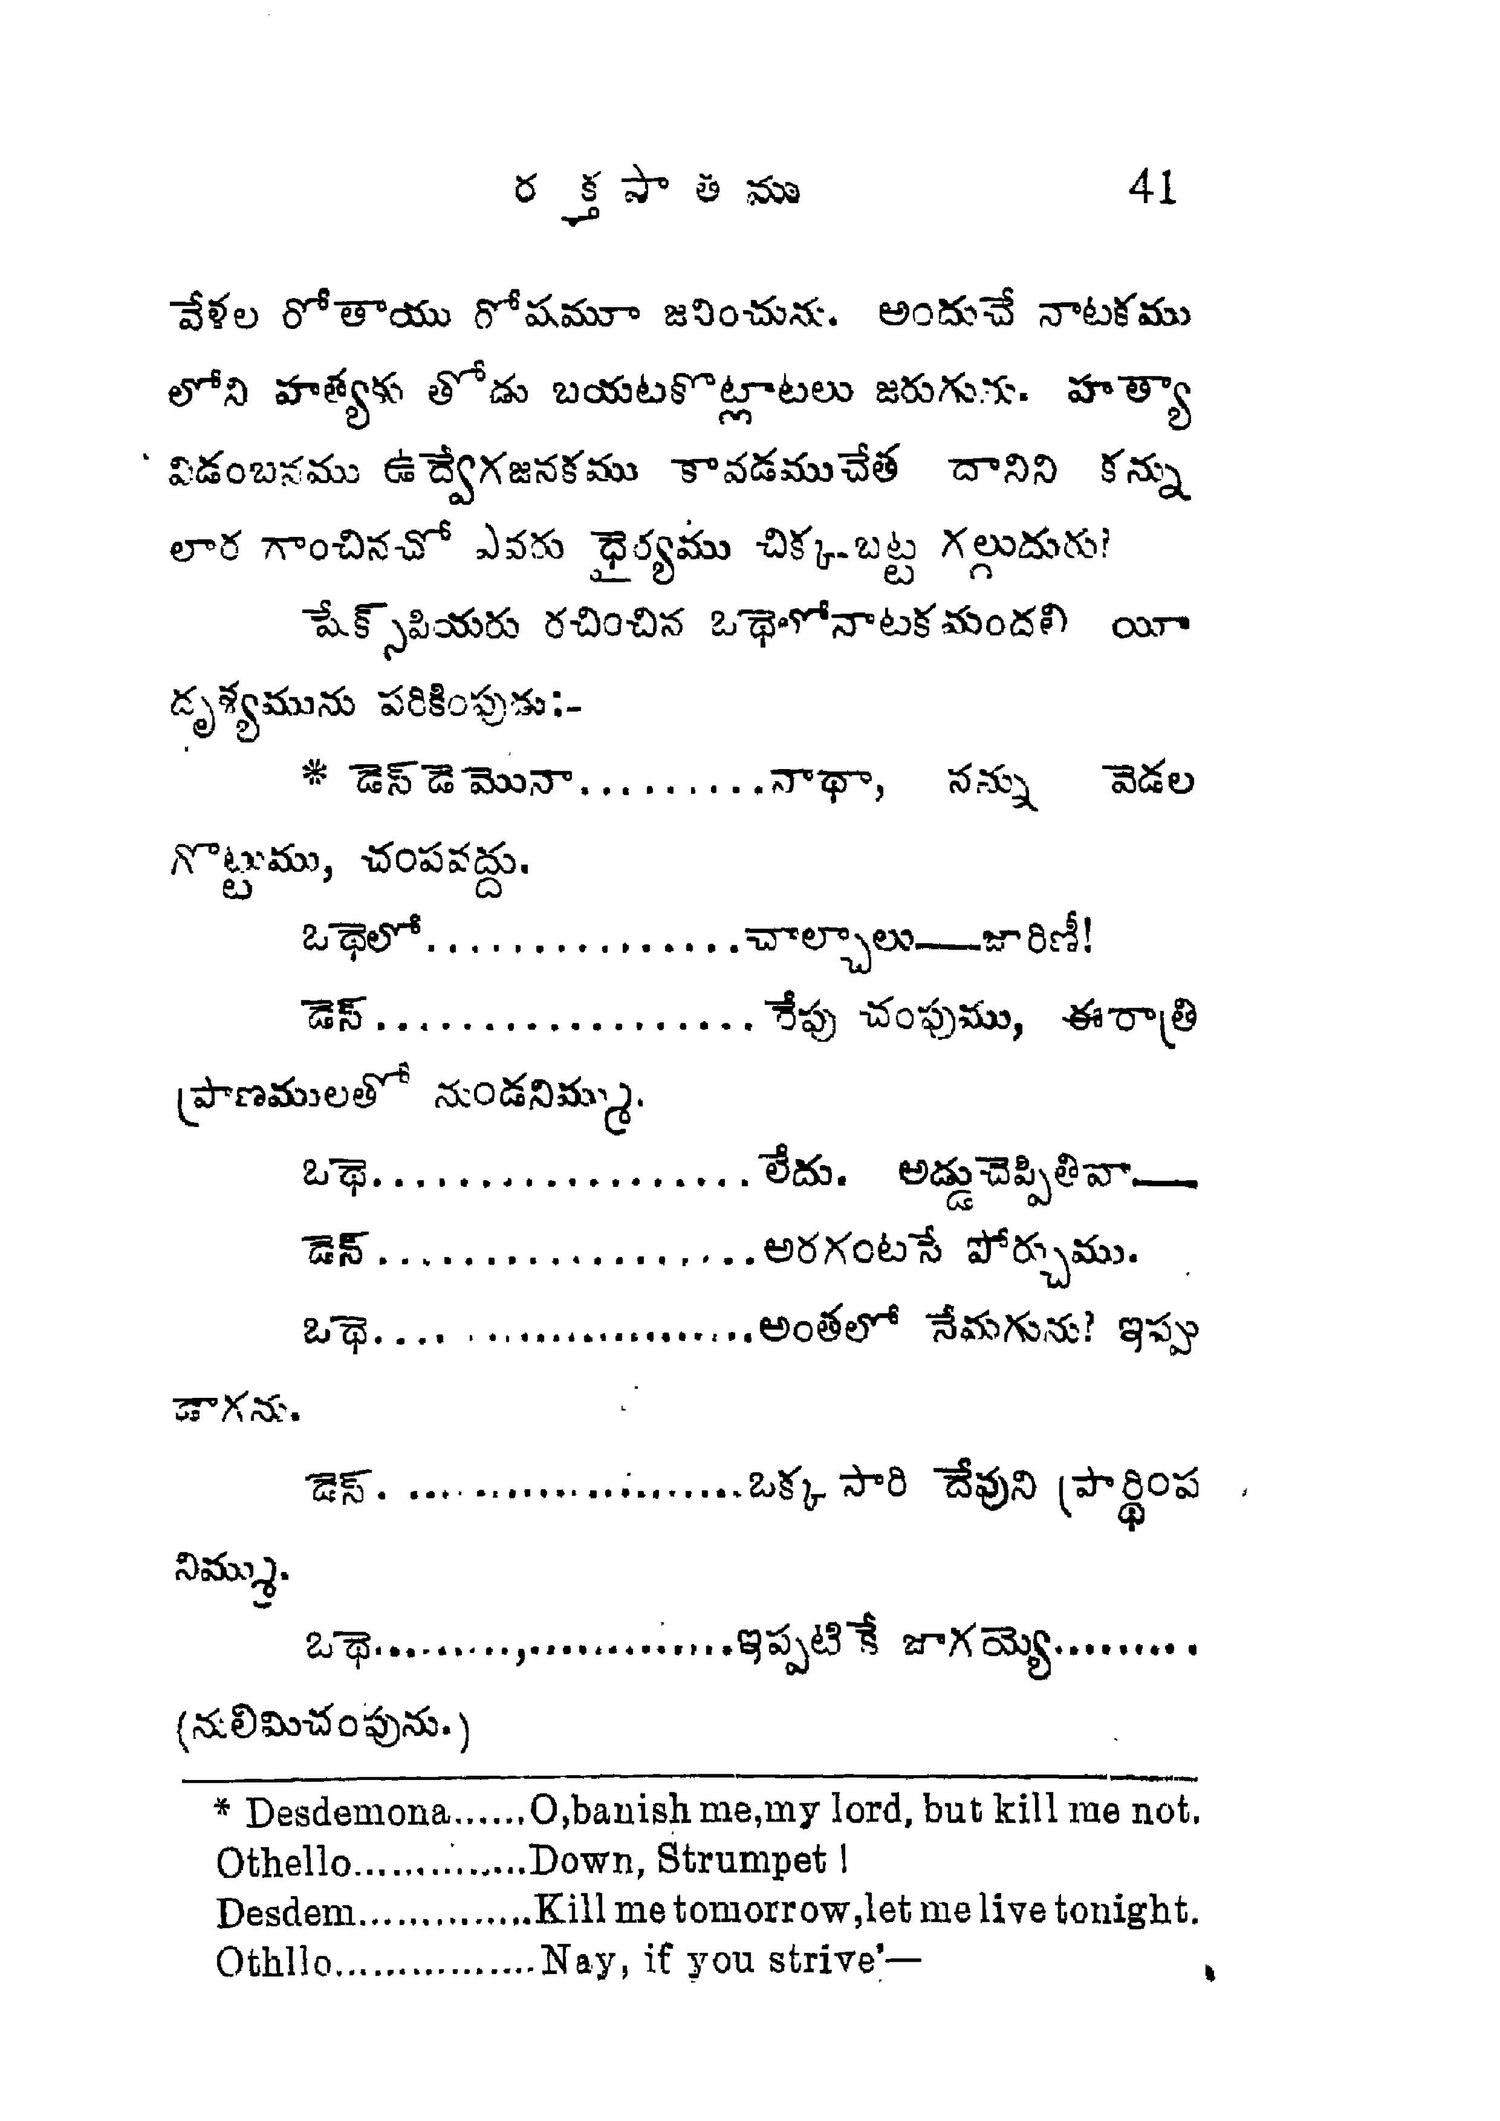వేళల రోతాయు రోషమూ జనించును. అందుచే నాటకములోని హత్యకు తోడు బయటకొట్లాటలు జరుగును. హత్యా విడంబనము ఉద్వేగజనకము కావడముచేత దానిని కన్నులార గాంచినచో ఎవరు ధైర్యము చిక్కబట్ట గల్గుదురు?

షేక్స్‌పియరు రవించిన ఒథెలోనాటకమందలి యీ దృశ్యమును పరికింపుడు : -

డెస్‌డెమొనా..........నాథా, నన్ను వెడల గొట్టుము, చంపవద్దు.

ఒథెలో.............చాల్చాలు - జారిణీ!

డెస్...............రేపు చంపుము, ఈరాత్రి ప్రాణములతో నుండనిమ్ము.

ఒథె.............లేదు. అడ్డుచెప్పితివా -

డెస్...............అరగంటసే పోర్చుము.

ఒథె...............అంతలో నేమగును? ఇప్పు డాగను.

డెస్..............ఒక్క సారి దేవుని ప్రార్థింప నిమ్ము.

ఒథె..............ఇప్పటికే జాగయ్యె...........(నులిమిచంపును.)